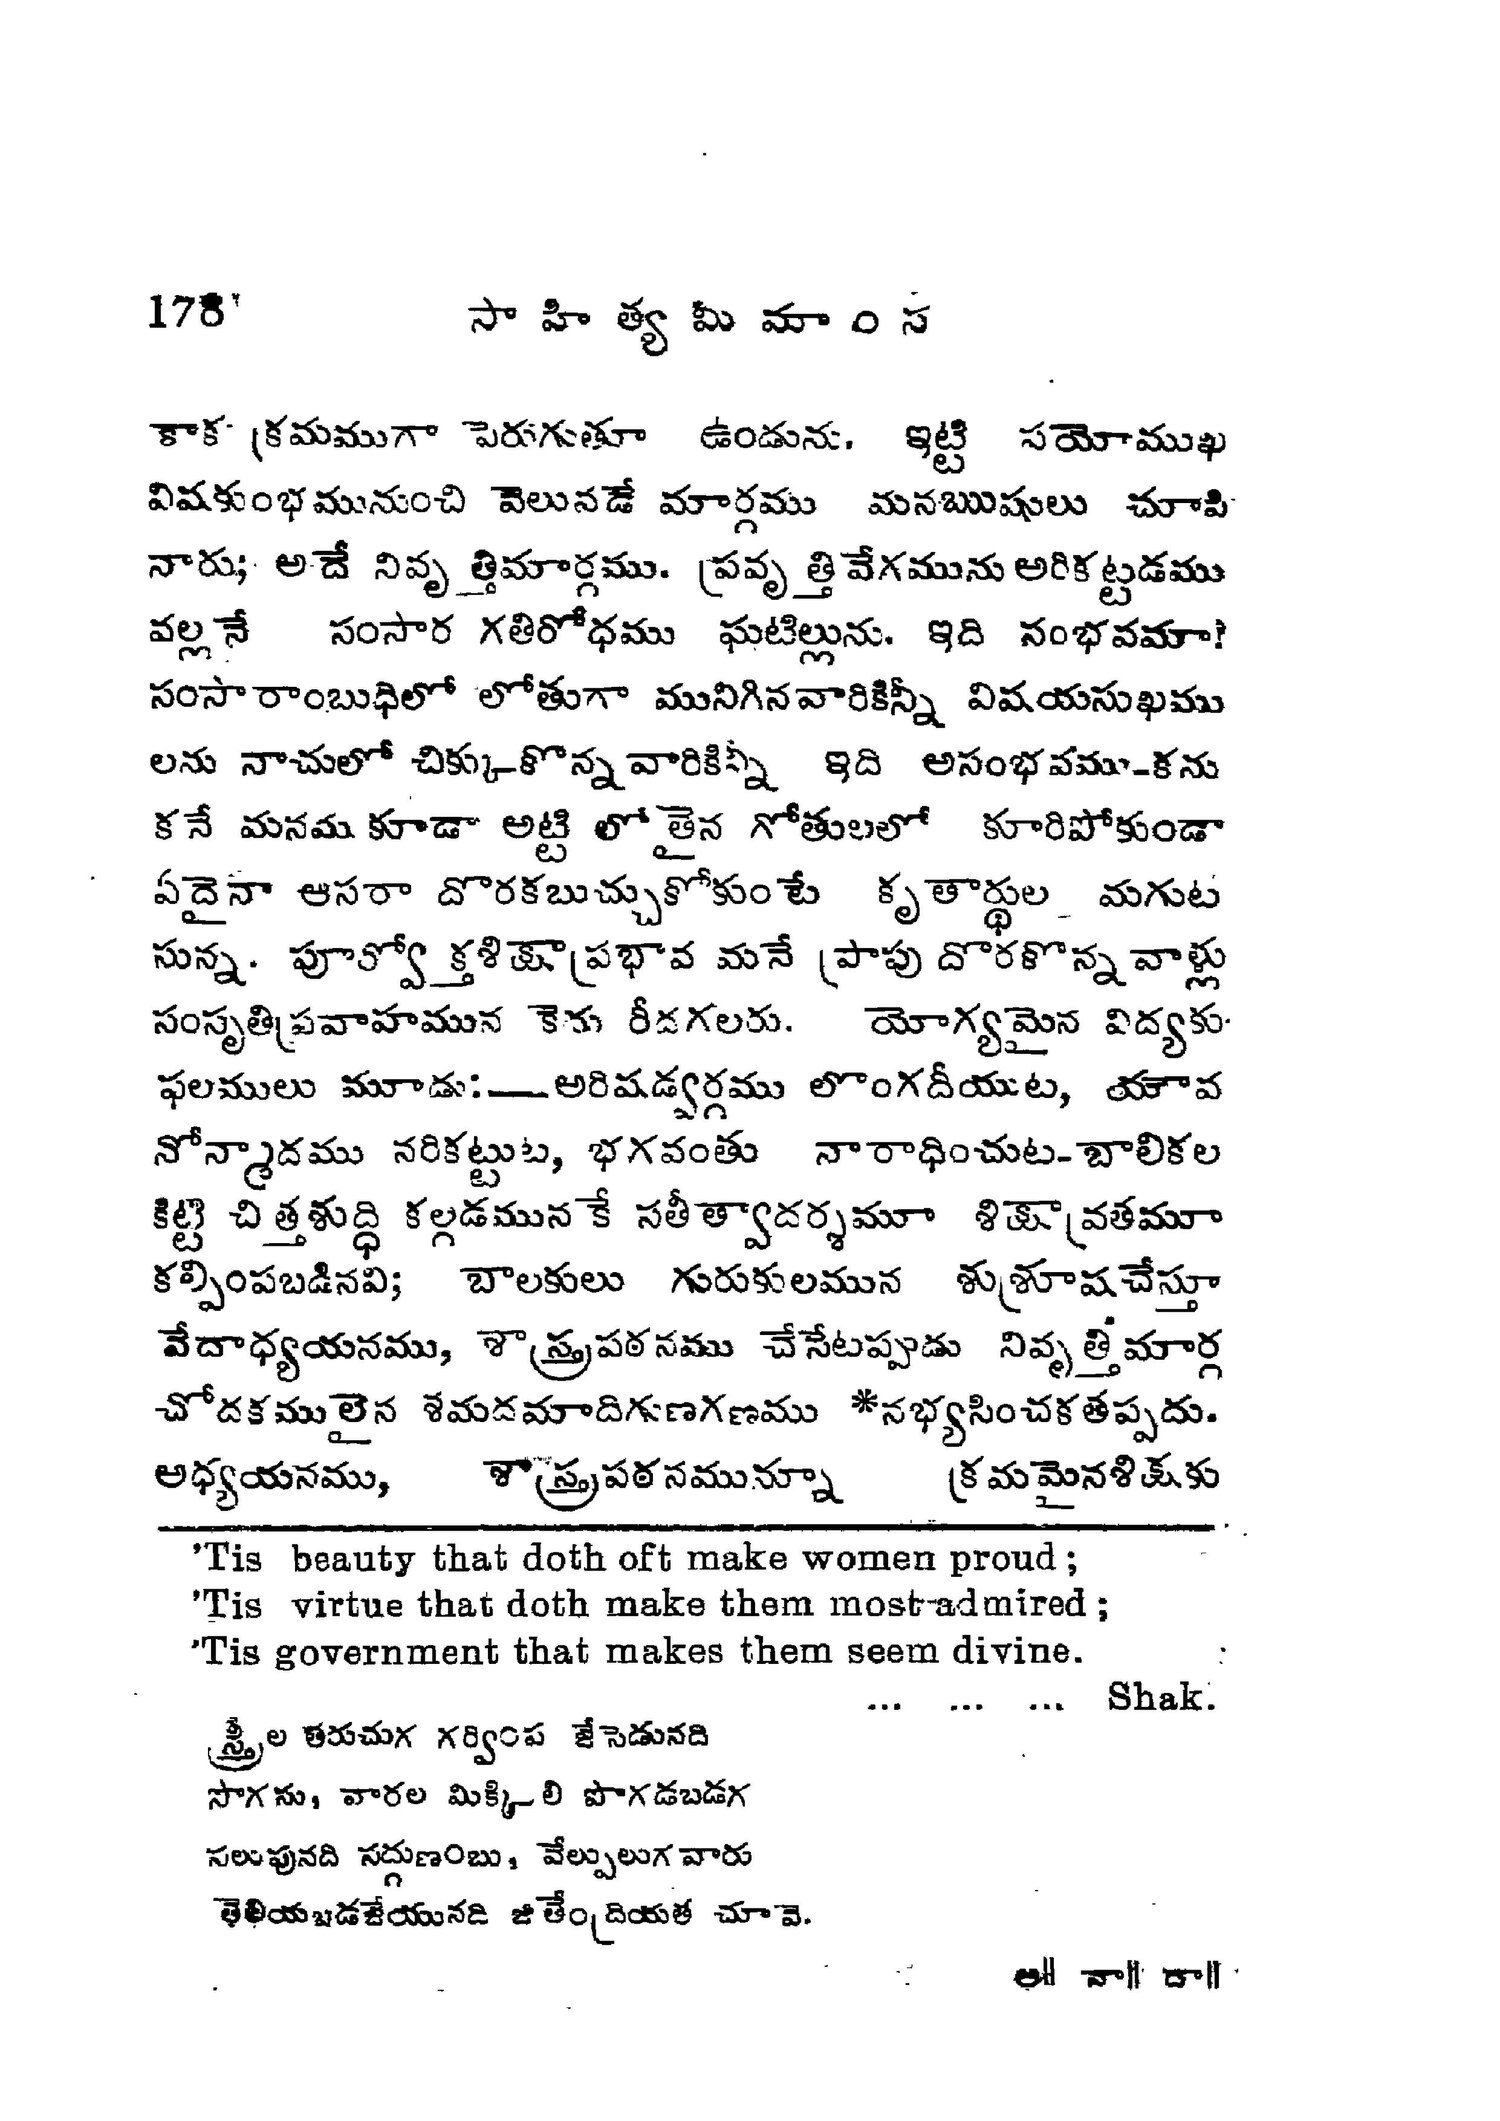కాక క్రమముగా పెరుగుతూ ఉండును. ఇట్టి పయోముఖ విషకుంభమునుంచి వెలువడే మార్గము మనఋషులు చూపినారు; అదే నివృత్తిమార్గము. ప్రవృత్తివేగమును అరికట్టడము వల్లనే సంసార గతిరోధము ఘటిల్లును. ఇది సంభవమా? సంసారాంబుధిలో లోతుగా మునిగినవారికిన్నీ విషయసుఖములను నాచులో చిక్కుకొన్నవారికిన్నీ ఇది అసంభవము - కనుకనే మనము కూడా అట్టి లోతైన గోతులలో కూరిపోకుండా ఏదైనా ఆసరా దొరకబుచ్చుకోకుంటే కృతార్థుల మగుట సున్న. పూర్వోక్తశిక్షాప్రభావ మనే ప్రాపు దొరకొన్న వాళ్లు సంసృతిప్రవాహమున కెదు రీదగలరు. యోగ్యమైన విద్యకు ఫలములు మూడు: _ అరిషడ్వర్గము లొంగదీయుట, యౌవనోన్మాదము నరికట్టుట, భగవంతు నారాధించుట - బాలికల కిట్టి చిత్తశుద్ధి కల్గడమునకే సతీత్వాదర్శమూ శిక్షావ్రతమూ కల్పింపబడినవి; బాలకులు గురుకులమున శుశ్రూషచేస్తూ వేదాధ్యయనము, శాస్త్రపఠనము చేసేటప్పుడు నివృత్తిమార్గ చోదకములైన శమదమాదిగుణగణము *నభ్యసించకతప్పదు. అధ్యయనము, శాస్త్రపఠనమున్నూ క్రమమైనశిక్షకు